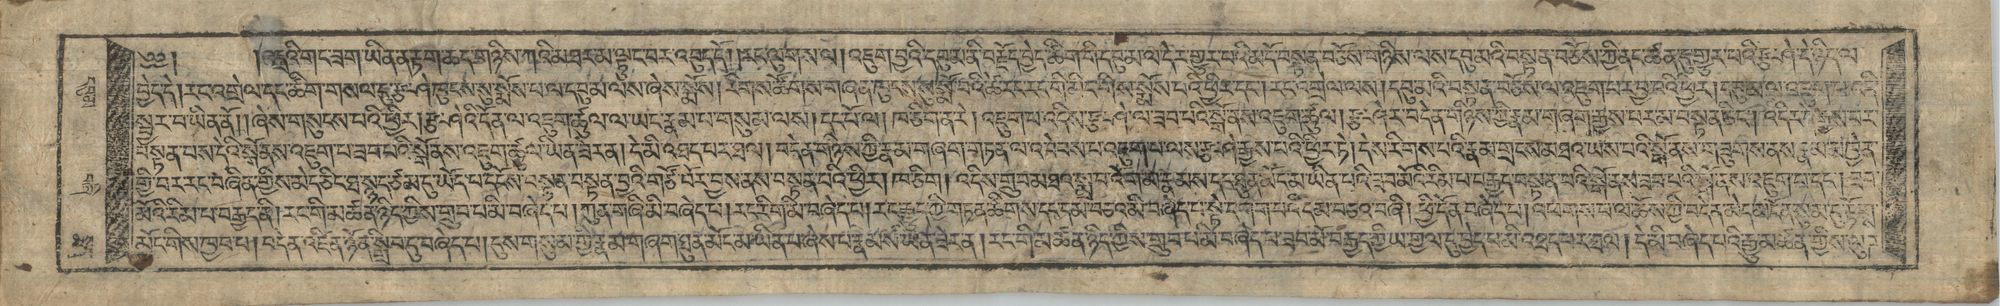༄༅། །འདྲའི་གང་ཟག་ཡིན་ན་རྟག་ཆད་གཉིས་ཀའི་མཐར་མ་ལྟུང་བར་འབུད་དོ། །རང་ལུགས་ལ། འཇུག་བྱའི་དབུ་མ་ནི་བརྗོད་བྱེད་ཚིག་གི་དབུ་མ་ལ་དེར་གྱུར་པའི་མདོ་བསྟན་བཅོས་གཉིས་ལས་དབུ་མའི་བསྟན་བཅོས་ཀྱི་ནང་ཚན་དུ་གྱུར་བའི་རྩ་ཤེ་དེ་ཉིད་ལ་
བྱེད་དེ། རང་འགྲེལ་དང་ཚིག་གསལ་དུ་རྩ་ཤེ་ཁུངས་སུ་སྨོས་པ་ལ་དབུ་མ་ལས་ཞེས་སྨོས། རིགས་ཚོགས་གཞན་ཁུངས་སུ་སྨོབའི་ཚེ་རང་རང་གི་མིང་གིས་སྨོས་པའི་ཕྱིར་དང་། རང་འགྲེལ་ལས། དབུ་མའི་བསྟན་བཅོས་ལ་འཇུག་པར་བྱ་བའི་ཕྱིར། དབུ་མ་ལ་འཇུག་པ་འདི་
སྦྱར་བ་ཡིན་ནོ། །ཞེས་གསུངས་པའི་ཕྱིར། རྩ་ཤེའི་དོན་ལ་འཇུག་ཚུལ་ལ་ཡང་རྣམ་པ་གསུམ་ལས། དང་པོ་ལ། ཁ་ཅིག་ན་རེ། འཇུག་པ་འདིས་རྩ་ཤེ་ལ་ཟབ་པའི་སྒོ་ནས་འཇུག་ཚུལ། རྩ་ཤེར་བདེན་གཉིས་ཀྱི་རྣམ་གཞག་རྒྱས་པར་མ་བསྟན་ཅིང་། འདིར་དེ་རྒྱས་པར་
བསྟན་པས་དེའི་སྒོ་ནས་འཇུག་པ་ཟབ་པའི་སྒོ་ནས་འཇུག་ཚུལ་ཡིན་ཟེར་ན། དེ་མི་འཐད་པར་ཐལ། བདེན་གཉིས་ཀྱི་རྣམ་གཞག་གཏན་ལ་འབེབས་པ་འཇུག་པ་ལས་རྩ་ཤེ་རྒྱས་པའི་ཕྱིར་ཏེ། དེས་རིགས་པའི་རྣམ་གྲངས་མཐའ་ཡས་པའི་སྒོ་ནས་གཟུགས་ནས་རྣམ་མཁྱེན་
གྱི་བར་རང་བཞིན་གྱིས་མེད་ཅིང་ཐ་སྙད་ཙམ་དུ་ཡོད་པ་དངོས་བསྟན་བསྟན་བྱའི་གཙོ་བོར་བྱས་ནས་བསྟན་པའི་ཕྱིར། ཁ་ཅིག །འདིས་གྲུབ་མཐའ་སྨྲ་བ་འོག་མ་རྣམས་དང་ཐུན་མོང་མ་ཡིན་པའི་ཟབ་མོའི་རིམ་པ་བརྒྱད་བསྟན་པའི་སྒོ་ནས་ཟབ་པའི་སྒོ་ནས་འཇུག་པ་དང་། ཟབ་
མོའི་རིམ་པ་བརྒྱད་ནི། རང་གི་མཚན་ཉིད་ཀྱིས་གྲུབ་པ་མི་བཞེད་པ། ཀུན་གཞི་མི་བཞེད་པ། རང་རིག་མི་བཞེད་པ། རང་རྒྱུད་ཀྱི་གཏན་ཚིགས་དང་དམ་བཅའ་མི་བཞེད་པ་སྟེ་དགག་པའི་དམ་བཅའ་བཞི། ཕྱི་དོན་བཞེད་པ། འཕགས་པ་ལ་ཆོས་ཀྱི་བདེན་མེད་མངོན་སུམ་དུ་རྟོགས་
མྱོང་གིས་ཁྱབ་པ། བདེན་འཛིན་ཉོན་སྒྲིབ་དུ་བཞེད་པ། དུས་གསུམ་གྱི་རྣམ་གཞག་ཐུན་མོང་མ་ཡིན་པ་ཞེས་པ་རྣམས་ཡིན་ཟེར་ན། རང་གི་མཚན་ཉིད་ཀྱིས་གྲུབ་པ་མི་བཞེད་པ་ཟབ་མོ་བརྒྱད་ཀྱི་ཡ་གྱལ་དུ་བྱེད་པ་མི་འཐད་པར་ཐལ། དེ་མི་བཞེད་པའི་རྒྱུ་མཚན་གྱིས་ལུགས་